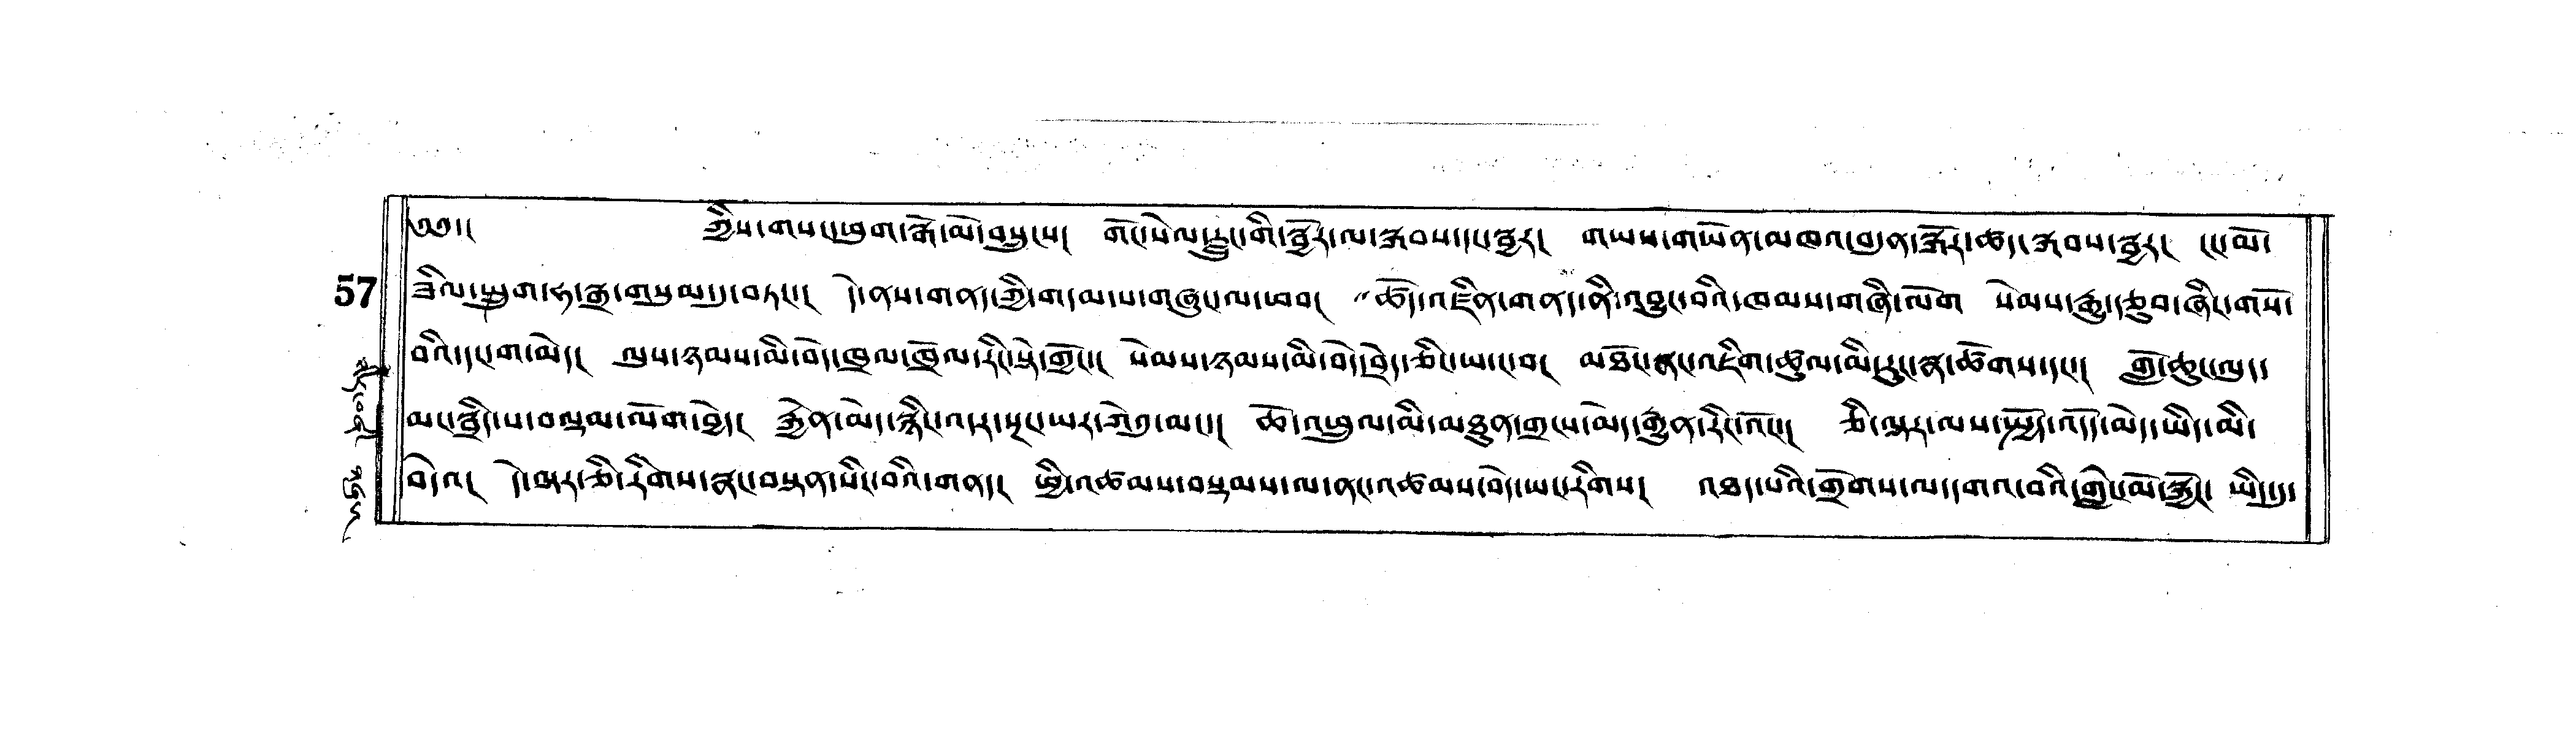གསང་ཕུག་སྒོ་མོ་བསྲུང་། གོང་སེལ་རླུང་གི་སྐོར་ལ་སྐབས་དང་སྦྱར། གཡས་གཡོན་མཁའ་བདུན་སྐོར་ཚད་སྐབས་དང་སྦྱར། ངང་མོ་
ཟིལ་སྤྲུག་ཧ་སྒྲ་གསུམ་དུ་བཏང་། དེ་ནས་གནད་ཀྱི་གདམས་པ་གཞུང་ལ་ཕབ། ཚོད་འཛིན་གནད་ནི་འབྱུང་བའི་ཁམས་གཞི་ལོག། སེམས་རྒྱུད་རྩུབ་ཞིང་གསོ་
བའི་དང་ག་མེད། ལུས་ཉམས་མི་བདེ་ཁྲལ་ཁྲོལ་རིང་སྟེ་གྱོང་། སེམས་ཉམས་མི་བདེ་དྲེད་ཅིང་ཡ་ང་བ། མཐོང་སྣང་འཇིགས་ཚུལ་མི་རུང་སྣ་ཚོགས་དང་། གློ་ཆུང་ལུད་
མང་སྦྲིད་པ་བསྡམ་ལོག་བྱེད། རྐྱེན་མེད་སྙིང་འདར་སྔང་ཡར་ཀེའུ་མང་། ཆོ་འཕྲུལ་མི་མཐུན་གྲངས་མེད་རྒྱུན་རིང་འོང་། ཅི་ལྟར་ལས་སྤྱོད་འདོད་མེད་ཡིད་མི་
བདེ། དེ་ལྟར་ཅི་རིགས་སྣང་བསྟན་སིང་བའི་གནད། ཕྱི་མཚམས་བསྡམས་ལ་ནང་མཚམས་བདེ་ཡང་རིགས། འཐད་པའི་གྲོགས་ལ་དགའ་བའི་གླེང་མོ་སྐྱོང་། ཡིད་དུ་